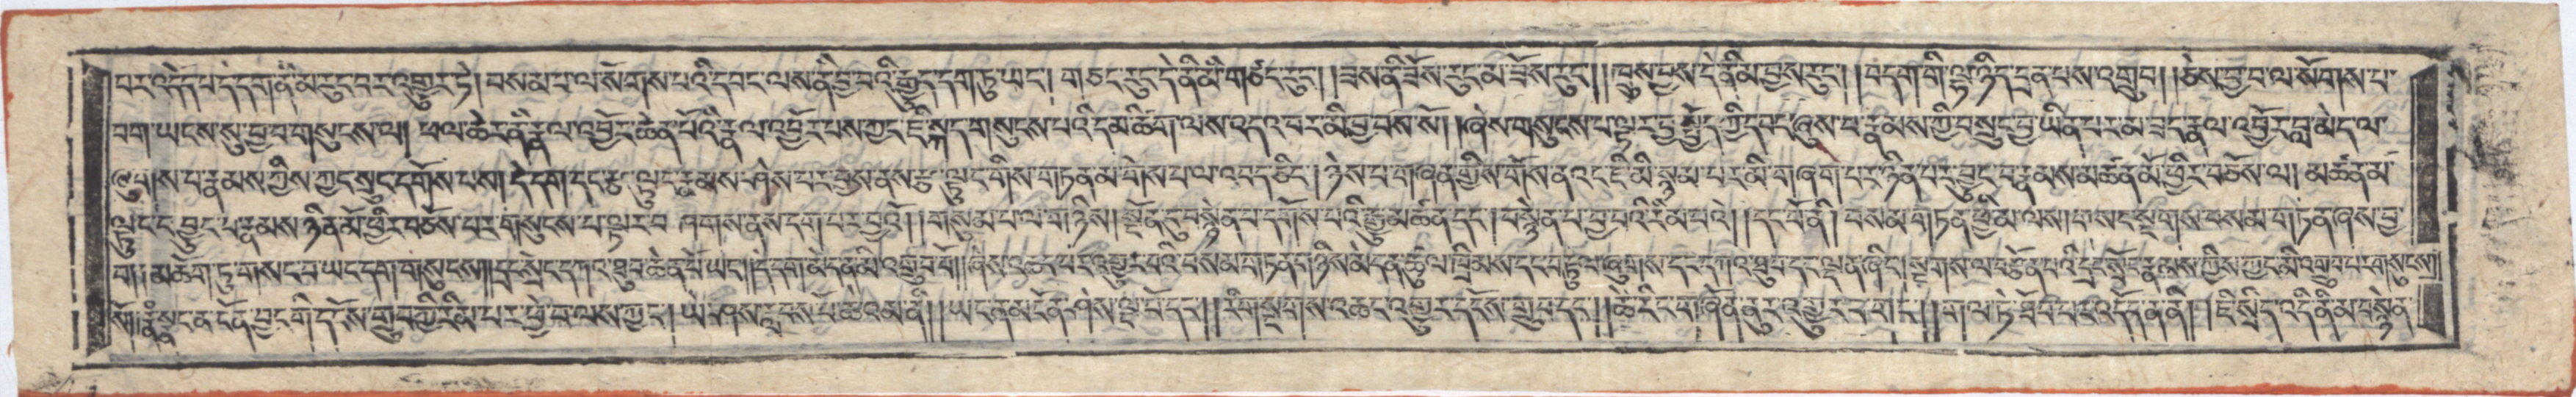པར་འདོད་པ་དེ་དག་ནི་མ་རུང་བར་འགྱུར་ཏེ། བསམ་པ་ལ་སོགས་པའི་དབང་ལས་ནི་བྱ་བའི་རྒྱུད་དག་ཏུ་ཡང་། གཅང་རུང་དེ་ནི་མི་གཙང་རུང་། །ཟས་ནི་ཟོས་རུང་མ་ཟོས་རུང་། །ཁྲུས་བྱས་དེ་ནི་མ་བྱས་རུང་། །བདག་གི་ལྷ་ཉིད་དྲན་པས་འགྲུབ། །ཅེས་བྱ་བ་ལ་སོགས་པ་
བག་ཡངས་སུ་བྱ་བ་གསུངས་ལ། ཕལ་ཆེར་ནི་རྣལ་འབྱོར་ཆེན་པོའི་རྣལ་འབྱོར་པས་ཀྱང་ཇི་སྐད་གསུངས་པའི་དམ་ཚིག་ལས་འདའ་བར་མི་བྱ་བས་སོ། །ཞེས་གསུངས་པ་ལྟར་བྱ་སྤྱོད་ཀྱི་དབང་ཞུས་པ་རྣམས་ཀྱི་བསྲུང་བྱ་ཡིན་པར་མ་ཟད་རྣལ་འབྱོར་བླ་མེད་ལ་
ཞུགས་པ་རྣམས་ཀྱིས་ཀྱང་སྲུང་དགོས་པས། དེ་དག་དང་རྩ་ལྟུང་རྣམས་ཤེས་པར་བྱས་ནས་རྩ་ལྟུང་གིས་གཏན་མ་གོས་པ་ལ་འབད་ཅིང་། ཉེས་པ་གཞན་གྱིས་གོས་ནའང་ཇི་མི་སྙམ་པར་མི་གཞག་པར་ཉིན་པར་བྱུང་བ་རྣམས་མཚན་མོ་ཕྱིར་བཅོས་ལ། མཚན་མོ་
ལྟུང་བ་བྱུང་པ་རྣམས་ཉིན་མོ་ཕྱིར་བཅོས་པར་གསུངས་པ་ལྟར་བཤགས་ནས་དག་པར་བྱའོ། །གསུམ་པ་ལ་གཉིས། སྔོན་དུ་བསྙེན་པ་དགོས་པའི་རྒྱུ་མཚན་དང་། བསྙེན་པ་བྱ་བའི་རིམ་པའོ། །དང་པོ་ནི། བསམ་གཏན་ཕྱི་མ་ལས། གསང་སྔགས་བསམ་གཏན་ཞས་?་བྱ་
བ། །མཆོག་ཏུ་གསང་བ་ཡང་དག་གསུངས། །དྲང་སྲོང་དཀའ་ཐུབ་ཆེན་པོ་ཡང་། །དེ་དག་མེད་ན་མི་འགྲུབ་བོ། །ཞེས་འཆད་པར་འགྱུར་བའི་བསམ་གཏན་གཉིས་མེད་ན་ཚུལ་ཁྲིམས་དང་བརྟུལ་ཞུགས་དང་དཀའ་ཐུབ་དང་ལྡན་ཞིང་། སྔགས་ལ་བརྩོན་པའི་དྲང་སྲོང་རྣམས་ཀྱིས་ཀྱང་མི་འགྲུབ་པར་གསུངས་
སོ། །རྣཾ་སྣང་མངོན་བྱང་གི་དངོས་གྲུབ་ཀྱི་རིམ་པར་ཕྱེ་བ་ལས་ཀྱང་། ཡེ་ཤེས་རླབས་པོ་ཆེའམ་ནི། །ཡང་ན་མངོན་ཤེས་ལྔ་པོ་དང་། །རིག་སྔགས་འཆང་འགྱུར་དངོས་གྲུབ་དང་། །ཚེ་རིང་གཞོན་ནུར་འགྱུར་བ་གང་། །གལ་ཏེ་ཐོབ་པར་འདོད་ན་ནི། །ཇི་སྲིད་འདི་ནི་མ་བསྙེན་